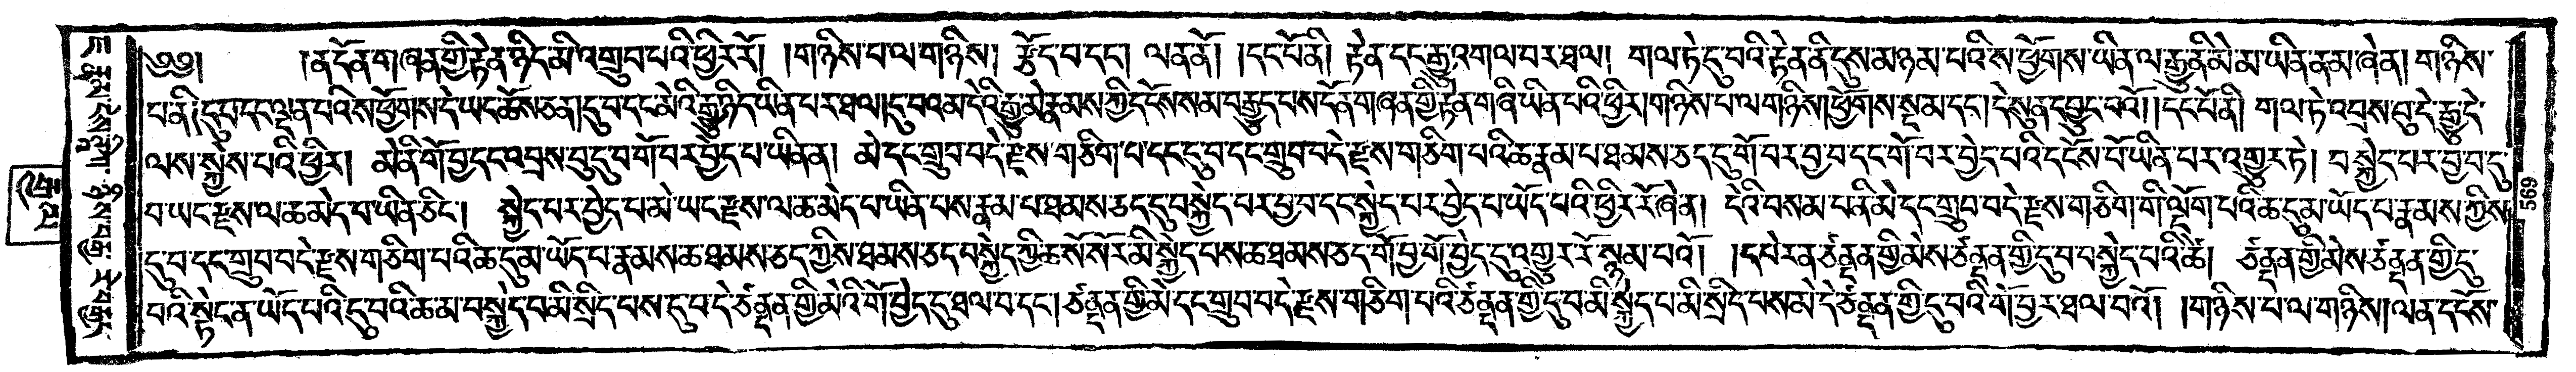༄༅། །ན་དོན་གཞན་གྱི་རྟེན་ཉིད་མི་འགྲུབ་པའི་ཕྱིར་རོ། །གཉིས་པ་ལ་གཉིས། རྩོད་པ་དང་། ལན་ནོ། །དང་པོ་ནི། རྟེན་དང་རྒྱུ་འགལ་བར་ཐལ། གལ་ཏེ་དུ་བའི་རྟེན་ནི་དུས་མཉམ་པའི་ས་ཕྱོགས་ཡིན་ལ་རྒྱུ་ནི་མེ་མ་ཡིན་ནམ་ཞེ་ན། གཉིས་
པ་ནི། དུ་བ་དང་ལྡན་པའི་ས་ཕྱོགས་དེ་ཡང་ཆོས་ཅན། དུ་བ་དང་མེའི་རྒྱུ་ཉིད་ཡིན་པར་ཐལ། དུ་བའམ་དེའི་རྒྱུ་མེ་རྣམས་ཀྱི་དངོས་སམ་བརྒྱུད་པས་དོན་གཞན་གྱི་རྟེན་གཞི་ཡིན་པའི་ཕྱིར། གཉིས་པ་ལ་གཉིས། ཕྱོགས་སྔ་མ་དང་། དེ་སུན་དབྱུང་བའོ། །དང་པོ་ནི། གལ་ཏེ་འབྲས་བུ་དེ་རྒྱུ་དེ་
ལས་སྐྱེས་པའི་ཕྱིར། མེ་ནི་གོ་བྱ་དང་འབྲས་བུ་དུ་བ་གོ་བར་བྱེད་པ་ཡིན་ན། མེ་དང་གྲུབ་བདེ་རྫས་གཅིག་པ་དང་དུ་བ་དང་གྲུབ་བདེ་རྫས་གཅིག་པའི་ཆ་རྣམ་པ་ཐམས་ཅད་དུ་གོ་བར་བྱ་བ་དང་གོ་བར་བྱེད་པའི་དངོས་པོ་ཡིན་པར་འགྱུར་ཏེ། བསྐྱེད་པར་བྱ་བ་དུ་
བ་ཡང་རྫས་ལ་ཆ་མེད་པ་ཡིན་ཅིང་། སྐྱེད་པར་བྱེད་པ་མེ་ཡང་རྫས་ལ་ཆ་མེད་པ་ཡིན་པས་རྣམ་པ་ཐམས་ཅད་དུ་བསྐྱེད་པར་བྱ་བ་དང་སྐྱེད་པར་བྱེད་པ་ཡོད་པའི་ཕྱིར་རོ་ཞེ་ན། དེའི་བསམ་པ་ནི་མེ་དང་གྲུབ་བདེ་རྫས་གཅིག་གི་ལྡོག་པའི་ཆ་དུ་མ་ཡོད་པ་རྣམས་ཀྱིས་
དུ་བ་དང་གྲུབ་བདེ་རྫས་གཅིག་པའི་ཆ་དུ་མ་ཡོད་པ་རྣམས་ཆ་ཐམས་ཅད་ཀྱིས་ཐམས་ཅད་བསྐྱེད་ཀྱི་ཆ་སོ་སོར་མི་སྐྱེད་པས་ཆ་ཐམས་ཅད་གོ་བྱ་གོ་བྱེད་དུ་འགྱུར་རོ་སྙམ་པའོ། །དཔེར་ན་ཙནྡན་གྱི་མེས་ཙནྡན་གྱི་དུ་བ་བསྐྱེད་པའི་ཚེ། ཙནྡན་གྱི་མེས་ཙནྡན་གྱི་དུ་
བའི་སྟེང་ན་ཡོད་པའི་དུ་བའི་ཆ་མ་བསྐྱེད་པ་མི་སྲིད་པས་དུ་བ་དེ་ཙནྡན་གྱི་མེའི་གོ་བྱེད་དུ་ཐལ་བ་དང་། ཙནྡན་གྱི་མེ་དང་གྲུབ་བདེ་རྫས་གཅིག་པའི་ཙནྡན་གྱི་དུ་བ་མི་སྐྱེད་པ་མི་སྲིད་པས་མེ་དེ་ཙནྡན་གྱི་དུ་བའི་གོ་བྱར་ཐལ་བའོ། །གཉིས་པ་ལ་གཉིས། ལན་དངོས་